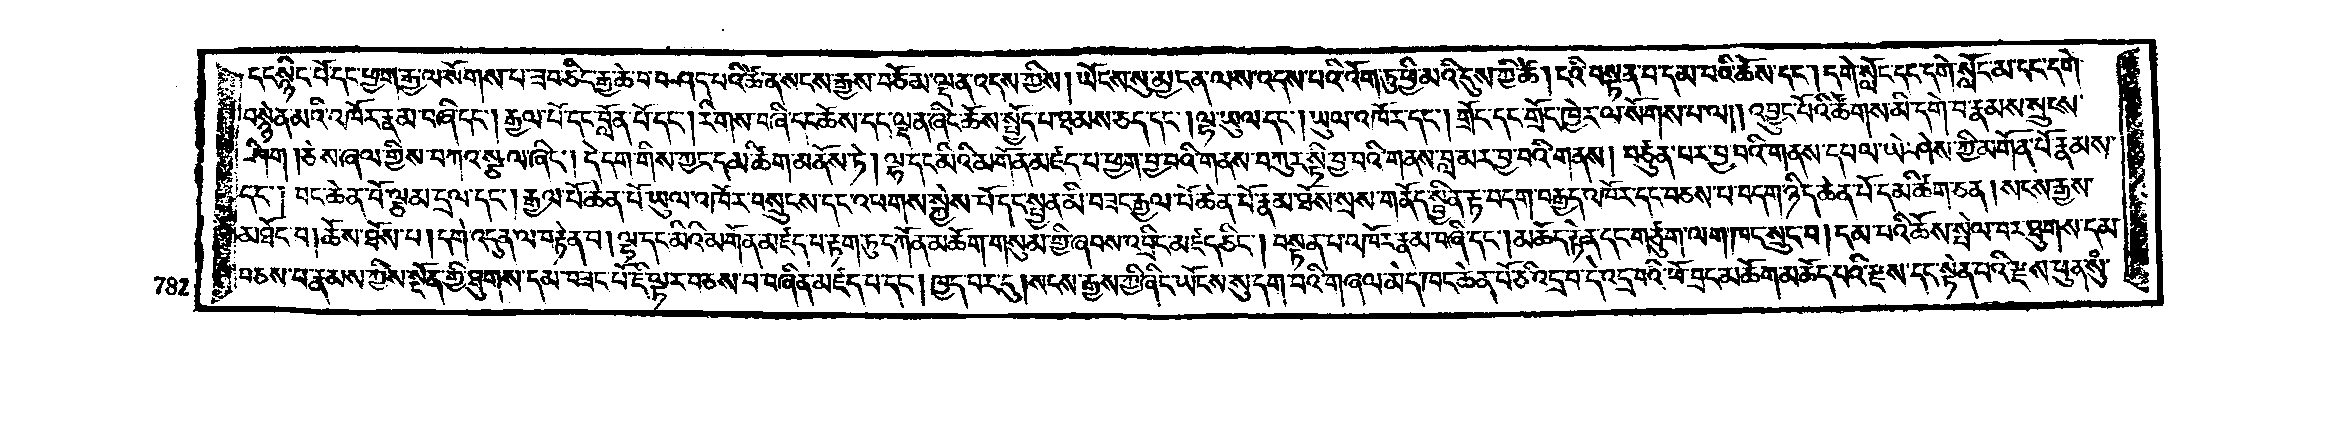དང་སྙིང་པོ་དང་ཕྱག་རྒྱ་ལ་སོགས་པ་ཟབ་ཅིང་རྒྱ་ཆེ་བ་བཤད་པའི་ཚེ་ན་སངས་རྒྱས་བཅོམ་ལྡན་འདས་ཀྱིས། ཡོངས་སུ་མྱ་ངན་ལས་འདས་པའི་འོག་ཏུ་ཕྱི་མའི་དུས་ཀྱི་ཚེ། ངའི་བསྟན་པ་དམ་པའི་ཆོས་དང་། དགེ་སློང་དང་དགེ་སློང་མ་དང་དགེ་
བསྙེན་མའི་འཁོར་རྣམ་བཞི་དང་། རྒྱལ་པོ་དང་བློན་པོ་དང་། རིགས་བཞི་དང་ཆོས་དང་ལྡན་ཞིང་ཆོས་སྤྱོད་པ་ཐམས་ཅད་དང་། ལྷ་ཡུལ་དང་། ཡུལ་འཁོར་དང་། གྲོང་དང་གྲོང་ཁྱེར་ལ་སོགས་པ་ལ། འབྱུང་པོའི་ཚོགས་མི་དགེ་བ་རྣམས་སྲུངས་
ཤིག །ཅེས་ཞལ་གྱིས་བཀའ་སྩལ་ཞིང་། དེ་དག་གིས་ཀྱང་དམ་ཚིག་མནོས་ཏེ། ལྷ་དང་མིའི་མགོན་མཛད་པ་ཕྱག་བྱ་བའི་གནས་བཀུར་སྟི་བྱ་བའི་གནས་བླ་མར་བྱ་བའི་གནས། བཙུན་པར་བྱ་བའི་གནས་དཔལ་ཡེ་ཤེས་ཀྱི་མགོན་པོ་རྣམས་
དང་། བེང་?་ཆེན་པོ་ལྷམ་དྲལ་དང་། རྒྱལ་པོ་ཆེན་པོ་ཡུལ་འཁོར་བསྲུངས་དང་འཕགས་སྐྱེས་པོ་དང་སྤྱན་མི་བཟང་རྒྱལ་པོ་ཆེན་པོ་རྣམ་ཐོས་སྲས་གནོད་སྦྱིན་རྟ་བདག་བརྒྱད་འཁོར་དང་བཅས་པ་བདག་ཉིད་ཆེན་པོ་དམ་ཚིག་ཅན། སངས་རྒྱས་
མཐོང་བ། ཆོས་ཐོས་པ། དགེ་འདུན་ལ་བརྟེན་པ། ལྷ་དང་མིའི་མགོན་མཛད་པ་རྟག་ཏུ་དཀོན་མཆོག་གསུམ་གྱི་ཞབས་འབྲིང་མཛད་ཅིང་། བསྟན་པ་འཁོར་རྣམ་བཞི་དང་། མཆོད་རྟེན་དང་གཙུག་ལག་ཁང་སྲུང་བ། དམ་པའི་ཆོས་སྤེལ་བར་ཐུགས་དམ་
བཅས་པ་རྣམས་ཀྱིས་སྔོན་གྱི་ཐུགས་དམ་བཟང་པོ་ཇི་ལྟར་བཅས་པ་བཞིན་མཛད་པ་དང་། ཁྱད་པར་དུ། སངས་རྒྱས་ཀྱི་ཞིང་ཡོངས་སུ་དག་པའི་གཞལ་མེད་ཁང་ཆེན་པོ་ཅི་འདྲ་བ་དེ་འདྲ་བའི་ཕོ་བྲང་མཆོག་མཆེད་པའི་རྫས་དང་སྟེན་པའི་རྫས་ཕུན་སུམ་